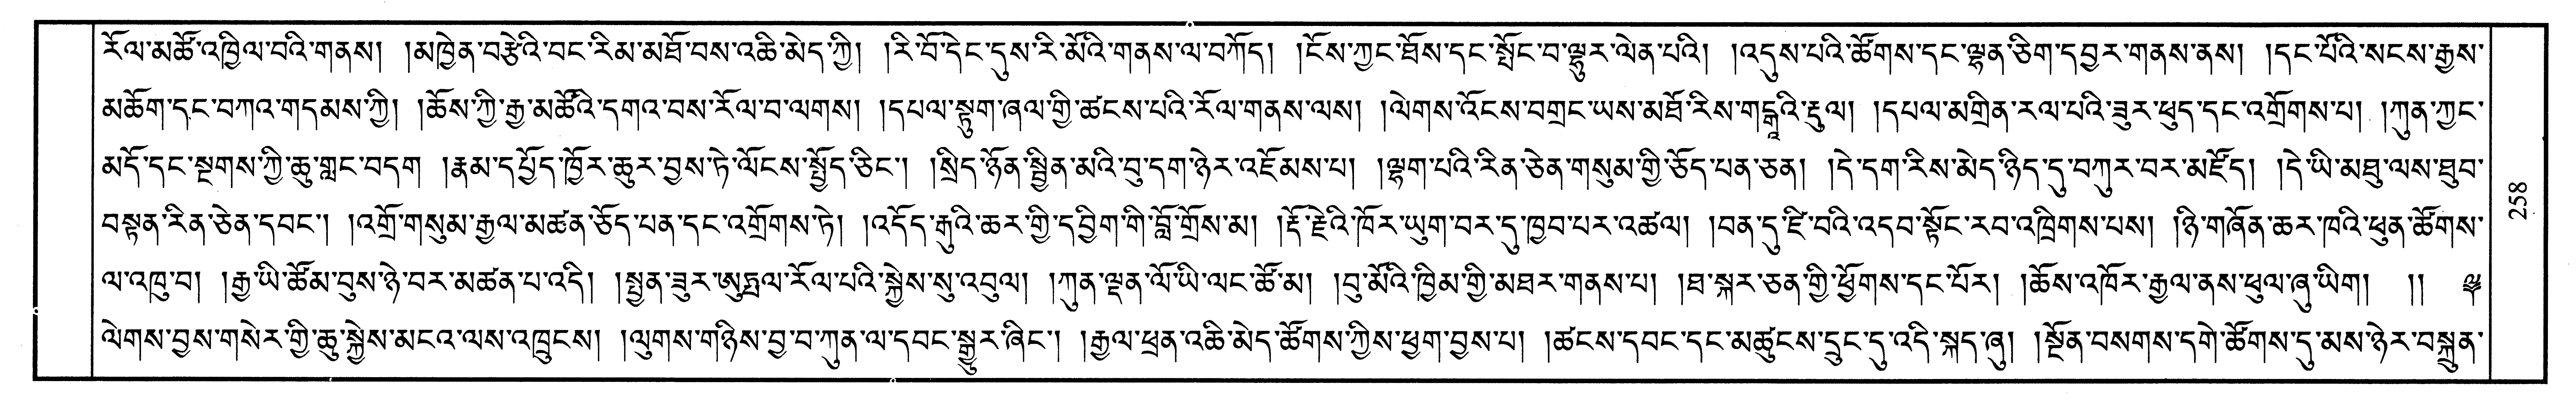རོལ་མཚོ་འཁྱིལ་བའི་གནས། །མཁྱེན་བརྩེའི་བང་རིམ་མཐོ་བས་འཆི་མེད་ཀྱི། །རི་བོ་དེང་དུས་རི་མོའི་གནས་ལ་བཀོད། །ངོས་ཀྱང་ཐོས་དང་སྤོང་བ་ལྷུར་ལེན་པའི། །འདུས་པའི་ཚོགས་དང་ལྷན་ཅིག་དབྱར་གནས་ནས། །དང་པོའི་སངས་རྒྱས་
མཆོག་དང་བཀའ་གདམས་ཀྱི། །ཆོས་ཀྱི་རྒྱ་མཚོའི་དགའ་བས་རོལ་བ་ལགས། །དཔལ་སྟུག་ཞལ་གྱི་ཚངས་པའི་རོལ་གནས་ལས། །ལེགས་འོངས་བགྲང་ཡས་མཐོ་རིས་གངྒཱའི་རྡུལ། །དཔལ་མགྲིན་རལ་པའི་ཟུར་ཕུད་དང་འགྲོགས་པ། །ཀུན་ཀྱང་
མདོ་དང་སྔགས་ཀྱི་ཆུ་གླང་བདག །རྣམ་དཔྱོད་ཁྱོར་ཆུར་བྱས་ཏེ་ལོངས་སྤྱོད་ཅིང་། །སྲིད་ཉོན་སྦྱིན་མའི་བུ་དག་ཉེར་འཇོམས་པ། །ལྷག་པའི་རིན་ཅེན་གསུམ་གྱི་ཅོད་པན་ཅན། །དེ་དག་རིས་མེད་ཉིད་དུ་བཀུར་བར་མཛོད། །དེ་ཡི་མཐུ་ལས་ཐུབ་
བསྟན་རིན་ཅེན་དབང་། །འགྲོ་གསུམ་རྒྱལ་མཚན་ཅོད་པན་དང་འགྲོགས་ཏེ། །འདོད་རྒུའི་ཆར་གྱི་དབྱིག་གི་བློ་གྲོས་མ། །རྡོ་རྗེའི་ཁོར་ཡུག་བར་དུ་ཁྱབ་པར་འཚལ། །བན་དུ་ཛི་བའི་འདབ་སྟོང་རབ་འཁྲིགས་པས། །ཉི་གཞོན་ཆར་ཁའི་ཕུན་ཚོགས་
ལ་འཁུ་བ། །རྒྱ་ཡི་ཚོམ་བུས་ཉེ་བར་མཚན་པ་འདི། །སྤྱན་ཟུར་ཨུཏྤལ་རོལ་པའི་སྐྱེས་སུ་འབུལ། །ཀུན་ལྡན་ལོ་ཡི་ལང་ཚོ་མ། །བུ་མོའི་ཁྱིམ་གྱི་མཐར་གནས་པ། །ཐ་སྐར་ཅན་གྱི་ཕྱོགས་དང་པོར། །ཆོས་འཁོར་རྒྱལ་ནས་ཕུལ་ཞུ་ཡིག། །། ༈
ལེགས་བྱས་གསེར་གྱི་ཆུ་སྐྱེས་མངའ་ལས་འཁྲུངས། །ལུགས་གཉིས་བྱ་བ་ཀུན་ལ་དབང་སྒྱུར་ཞིང་། །རྒྱལ་ཕྲན་འཆི་མེད་ཚོགས་ཀྱིས་ཕྱག་བྱས་པ། །ཚངས་དབང་དང་མཚུངས་དྲུང་དུ་འདི་སྐད་ཞུ། །སྔོན་བསགས་དགེ་ཚོགས་དུ་མས་ཉེར་བསྐྲུན་